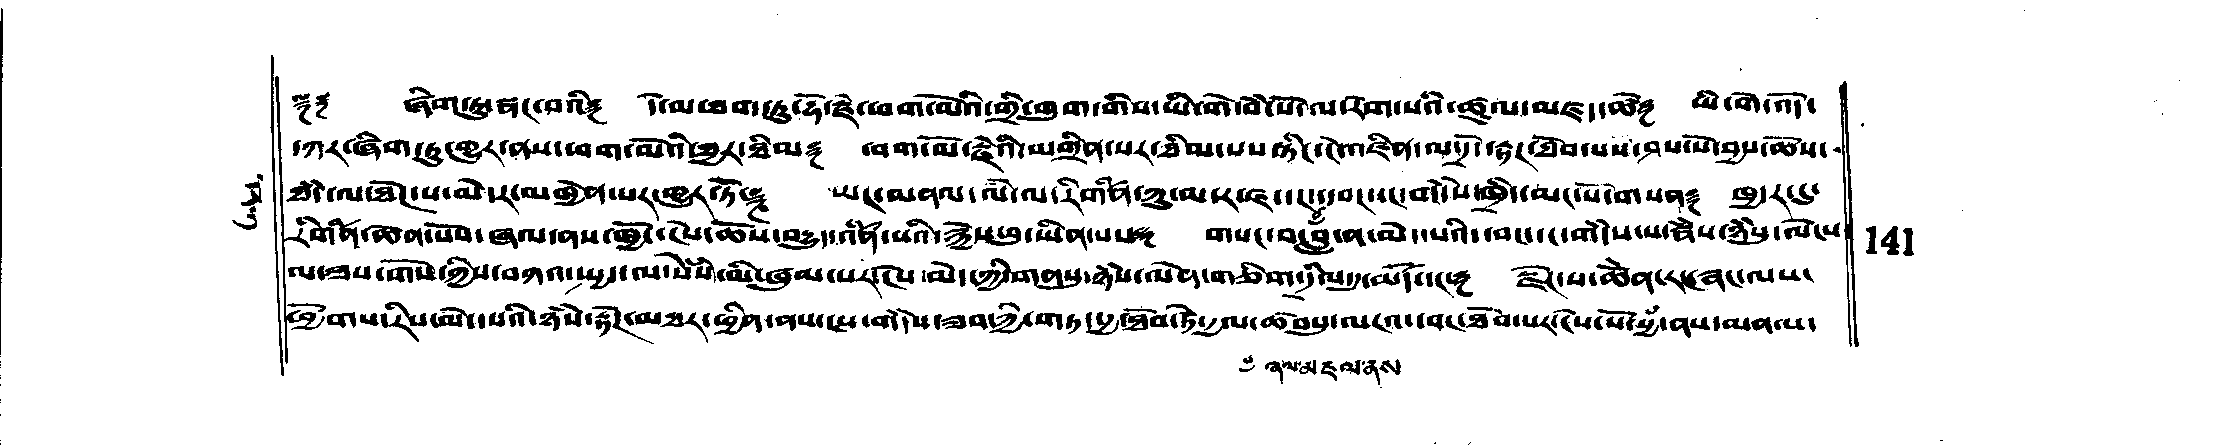ཞིག་ཏུ་སྣང་བའི། དེ་མ་ཐག་ཏུ་རྡོ་རྗེ་ཕག་མོའི་གྲི་ཁུག་གིས་ཡི་གེ་བམ་པོ་ལ་རེག་པའི་ཚུལ་མཛད་ཚེ། ཡི་གེ་འོད་
དཀར་ཞིག་ཏུ་གྱུར་བས་ཕག་མོའི་ཐུགས་ཀར་ཐིམ། ཕག་མོ་རྗེའི་མགྲིན་པར་ཐིམ་པས་ཏིང་ངེ་འཛིན་ལ་དྲོད་རྟགས་ཐོབ་པས་ཤེས་སོ་བྱས་ཆོས་
ཐམས་ཅད་ལ་ཐོགས་པ་མེད་པར་མཁྱེན་པར་གྱུར་ཏོ། ཡང་མནལ་ལམ་ལ་རིག་འཛིན་ཀུ་མ་ར་ཛ་དང་ཞལ་མཇལ་ནས་དབང་དང་གདམས་ཁྲིད་མང་པོ་གསན། ཁྱད་པར་དུ་
རིག་འཛིན་ཆེན་པོའི་ཞལ་ནས་ཁྱོད་ངའི་ཆོས་བརྒྱུད་འཛིན་པའི་སྐྱེས་བུ་ཡིན་པས། གསང་བ་བླ་ན་མེད་པའི་དབང་དང་གདམས་པ་རྣམས་ཉམས་སུ་ལོངས་
ལ་ཟས་གོས་ཀྱིས་བཀའ་སྤྱད་ལ་སེམས་མི་ཞུམ་པར་ངེས་མེད་ཀྱི་གནས་སུ་ཉམས་ལེན་གཅིག་དྲིལ་དུ་མཛོད་དང་། རྫོགས་པ་ཆེན་པོ་རང་སྣང་ལས་
ཕྱོགས་རིས་མེད་པའི་ཉམས་རྟོགས་མཐར་ཕྱིན་ནས་ངའི་གདམས་ཟབ་ཀྱི་གཏད་རྒྱ་ཐོབ་ཏེ་རྒྱལ་ཚབ་སུ་མངའ་དབང་ཐོབ་པར་ངེས་སོ་གསུང་ནས་མནལ་